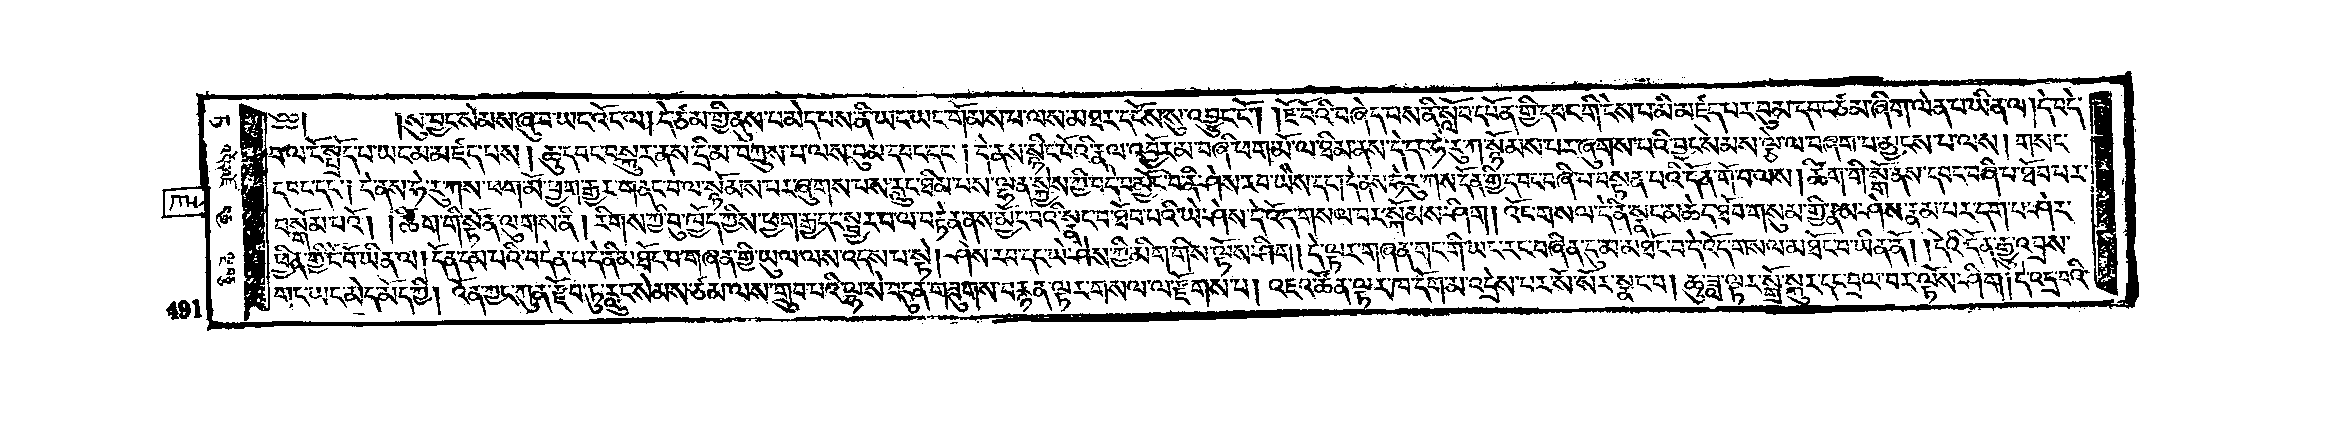༄༅། །སུ་བྱང་སེམས་ཞུ་བ་ཡང་འོང་ལ། དེ་ཙམ་གྱི་ནུས་པ་མེད་པས་ནི་ཡང་ཡང་གོམས་པ་ལས་མཐར་དངོས་སུ་འབྱུང་ངོ། །ཇོ་བོའི་བཞེད་པས་ནི་སློབ་དཔོན་གྱི་དབང་གི་ངེས་པ་མི་མཛད་པར་བུམ་དབང་ཙམ་ཞིག་ལེན་པ་ཡིན་ལ། དེ་བདེ་
བ་ལ་ངོ་སྤྲོད་པ་ཡང་མ་མཛད་པས། ཆུ་དབང་བསྐུར་ནས་དྲི་མ་བཀྲུས་པ་ལས་བུམ་དབང་དང་། དེ་ནས་སྙིང་པོའི་རྣལ་འབྱོར་མ་བཞི་ཕག་མོ་ལ་ཐིམ་ནས་དེ་དང་ཧེ་རུ་ཀ་སྙོམས་པར་ཞུགས་པའི་བྱང་སེམས་ལྕེ་ལ་བཞག་པ་མྱངས་པ་ལས། གསང་
དབང་དང་། དེ་ནས་ཧེ་རུ་ཀས་ཕག་མོ་ཕྱག་རྒྱར་གནང་བ་ལ་སྙོམས་པར་ཞུགས་པས་རླུང་ཐིམ་པས་ལྷན་སྐྱེས་ཀྱི་བདེ་བ་མྱོང་བ་ནི་ཤེས་རབ་ཡེ་ཤེས་དང་། དེ་ནས་ཧེ་རུ་ཀས་དོན་གྱི་དབང་བཞི་པ་བསྟན་པའི་དོན་གོ་བ་ལས། ཚིག་གི་སྒོ་ནས་དབང་བཞི་པ་ཐོབ་པར་
བསྒོམ་པའོ། །ཚིག་གི་སྟོན་ལུགས་ནི། རིགས་ཀྱི་བུ་ཁྱོད་ཀྱིས་ཕྱག་རྒྱ་དང་སྦྱར་བ་ལ་བརྟེན་ནས་མྱོང་བའི་སྣང་བ་ཐོབ་པའི་ཡེ་ཤེས་དེ་འོད་གསལ་བར་སྒོམས་ཤིག །འོད་གསལ་དེ་ནི་སྣང་མཆེད་ཐོབ་གསུམ་གྱི་རྣམ་ཤེས་རྣམ་པར་དག་པ་ཤེར་
ཕྱིན་གྱི་ངོ་བོ་ཡིན་ལ། དོན་དམ་པའི་བདེན་པ་དེ་ནི་མཐོང་བ་གཞན་གྱི་ཡུལ་ལས་འདས་པ་སྟེ། ཤེས་རབ་དང་ཡེ་ཤེས་ཀྱི་མིག་གིས་ལྟོས་ཤིག །དེ་ལྟར་གཞན་གང་གི་ཡང་རང་བཞིན་དུ་མ་མཐོང་བ་དེ་འོད་གསལ་མཐོང་བ་ཡིན་ནོ། །དེའི་དོན་རྒྱུ་འབྲས་
གང་ཡང་མེད་མོད་ཀྱི། འོན་ཀྱང་ཀུན་རྫོབ་ཏུ་རླུང་སེམས་ཙམ་ལས་གྲུབ་པའི་ལྷ་སེ་བདུན་གཟུགས་བརྙན་ལྟར་གསལ་ལ་རྫོགས་པ། འཇའ་ཚོན་ལྟར་ཁ་དོག་མ་འདྲེས་པར་སོ་སོར་སྣང་བ། ཆུ་ཟླ་ལྟར་སྒྲོ་སྐུར་དང་བྲལ་པར་ལྟོས་ཤིག །དེ་འདྲ་བའི་